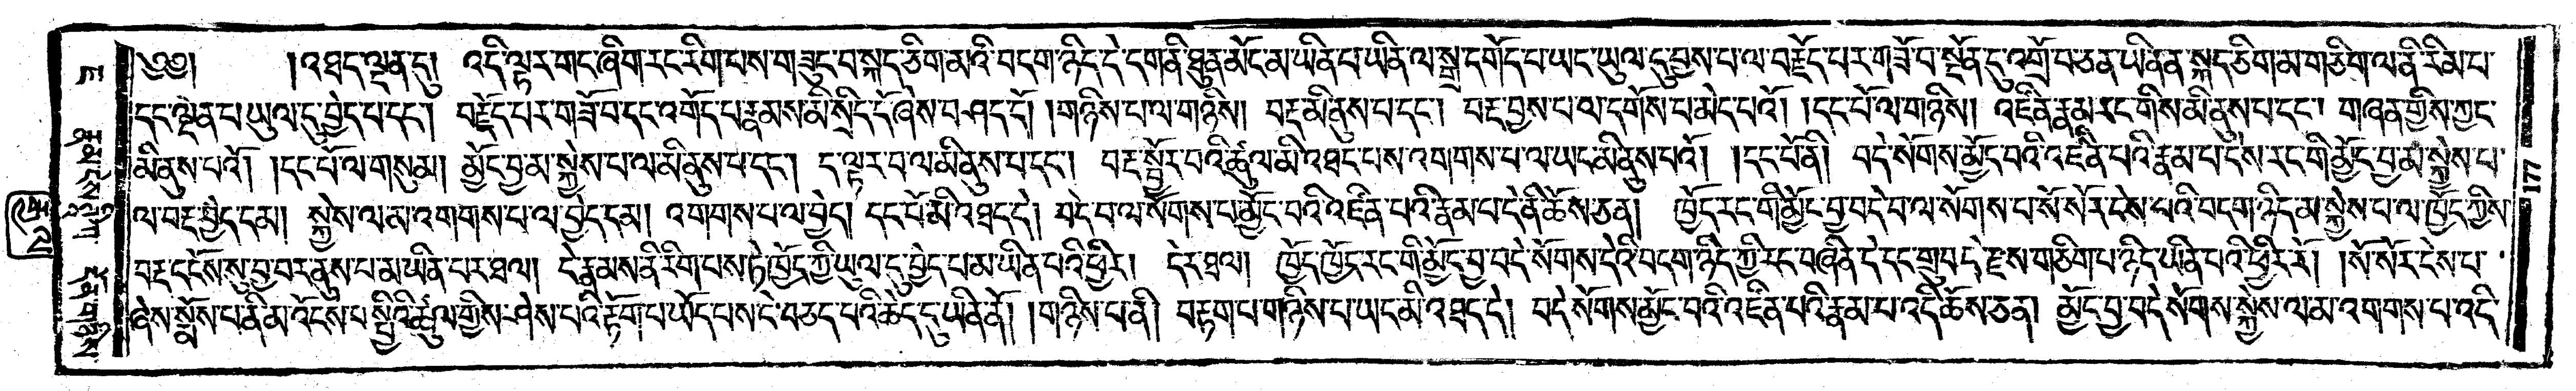༄༅། །འཐད་ལྡན་དུ། འདི་ལྟར་གང་ཞིག་རང་རིག་པས་གཟུང་བ་སྐད་ཅིག་མའི་བདག་ཉིད་དེ་དག་ནི་ཐུན་མོང་མ་ཡིན་པ་ཡིན་ལ་སྒྲ་དགོད་པ་ཡང་ཡུལ་དུ་བྱས་པ་ལ་བརྗོད་པར་གཟོ་བ་སྔོན་དུ་འགྲོ་བ་ཅན་ཡིན་ན་སྐད་ཅིག་མ་གཅིག་ལ་ནི་རིམ་པ་
དང་ལྡན་པ་ཡུལ་དུ་བྱེད་པ་དང་། བརྗོད་པར་གཟོ་བ་དང་འགོད་པ་རྣམས་མི་སྲིད་དོ་ཞེས་བཤད་དོ། །གཉིས་པ་ལ་གཉིས། བརྡ་མི་ནུས་པ་དང་། བརྡ་བྱས་པ་ལ་དགོས་པ་མེད་པའོ། །དང་པོ་ལ་གཉིས། འཛིན་རྣམ་རང་གིས་མི་ནུས་པ་དང་། གཞན་གྱིས་ཀྱང་
མི་ནུས་པའོ། །དང་པོ་ལ་གསུམ། མྱོང་བྱ་མ་སྐྱེས་པ་ལ་མི་ནུས་པ་དང་། ད་ལྟར་བ་ལ་མི་ནུས་པ་དང་། བརྡ་སྦྱོར་བའི་ཚུལ་མི་འཐད་པས་འགགས་པ་ལ་ཡང་མི་ནུས་པའོ། །དང་པོ་ནི། བདེ་སོགས་མྱོང་བའི་འཛིན་པའི་རྣམ་པ་ངེས་རང་གི་མྱོང་བྱ་མ་སྐྱེས་པ་
ལ་བརྡ་བྱེད་དམ། སྐྱེས་ལ་མ་འགགས་པ་ལ་བྱེད་དམ། འགགས་པ་ལ་བྱེད། དང་པོ་མི་འཐད་དེ། བདེ་བ་ལ་སོགས་པ་མྱོང་བའི་འཛིན་པའི་རྣམ་པ་དེ་ནི་ཆོས་ཅན། ཁྱོད་རང་གི་མྱོང་བྱ་བདེ་བ་ལ་སོགས་པ་སོ་སོར་ངེས་པའི་བདག་ཉིད་མ་སྐྱེས་པ་ལ་ཁྱོད་ཀྱིས་
བརྡ་དངོས་སུ་བྱ་བར་ནུས་པ་མ་ཡིན་པར་ཐལ། དེ་རྣམས་ནི་རིག་པས་ཏེ་ཁྱོད་ཀྱི་ཡུལ་དུ་བྱེད་པ་མ་ཡིན་པའི་ཕྱིར། དེར་ཐལ། ཁྱོད་ཁྱོད་རང་གི་མྱོང་བྱ་བདེ་སོགས་དེའི་བདག་ཉིད་ཀྱི་རང་བཞིན་དེ་དང་གྲུབ་དེ་རྫས་གཅིག་པ་ཉིད་ཡིན་པའི་ཕྱིར་རོ། །སོ་སོར་ངེས་པ་
ཞེས་སྨོས་པ་ནི་མ་འོངས་པ་སྤྱིའི་ཚུལ་གྱིས་ཤེས་པའི་རྟོག་པ་ཡོད་པས་ངེ་བཅད་པའི་ཆེད་དུ་ཡིན་ནོ། །གཉིས་པ་ནི། བརྟག་པ་གཉིས་པ་ཡང་མི་འཐད་དེ། བདེ་སོགས་མྱོང་བའི་འཛིན་པའི་རྣམ་པ་འདི་ཆོས་ཅན། མྱོང་བྱ་བདེ་སོགས་སྐྱེས་ལ་མ་འགགས་པ་འདི་